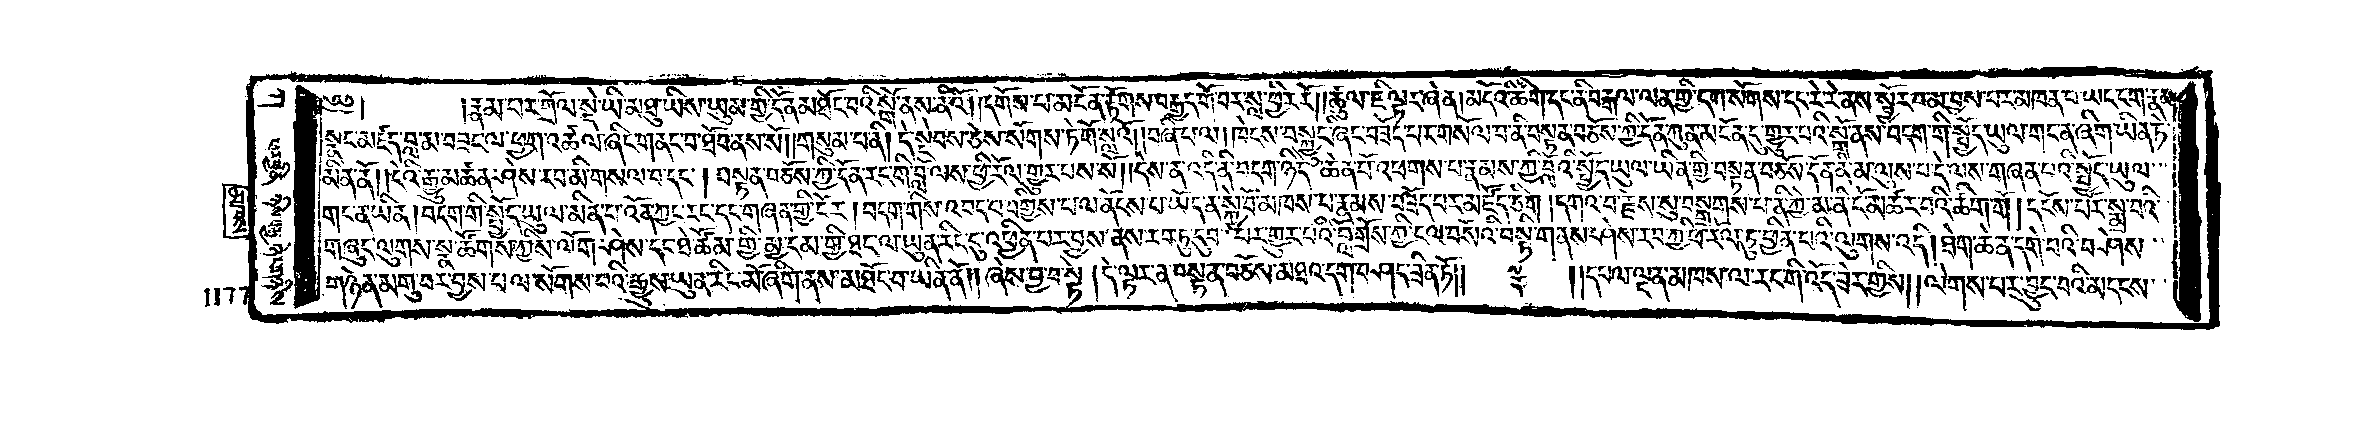༄༅། །རྣམ་པར་གྲོལ་སྡེ་ཡི་མཐུ་ཡིས་ཡུམ་གྱི་དོན་མཐོང་བའི་སྒོ་ནས་ནིའོ། །དགོས་པ་མངོན་རྟོགས་བརྒྱད་གོ་བར་སླ་ཕྱིར་རོ། །ཚུལ་ཇི་ལྟར་ཞེ་ན། མདོའི་ཚིག་དང་ནི་བརྒལ་ལན་གྱི་དག་སོགས་དང་རེ་རེ་ནས་སྦྱོར་བ་མ་བྱས་པར་མཁན་པ་ཡང་ངག་རྣམ་
སྣང་མཛད་བླ་མ་བཟང་ལ་ཕྱག་འཚལ་ཞིང་གནང་བ་ཐོབ་ནས་སོ། །གསུམ་པ་ནི། དེ་སྡེབས་ཅེས་སོགས་ཏེ་གོ་སླའོ། །བཞི་པ་ལ། ཁེངས་བསྐྱུང་ཞིང་བཟོད་པར་གསོལ་བ་ནི་བསྟན་བཅོས་ཀྱི་དོན་ཀུན་མངོན་དུ་གྱུར་པའི་སྒོ་ནས་བདག་གི་སྤྱོད་ཡུལ་གང་ན་ཞིག་ཡིན་ཏེ་
མིན་ནོ། །དེའི་རྒྱུ་མཚན་ཤེས་རབ་མི་གསལ་བ་དང་། བསྟན་བཅོས་ཀྱི་དོན་རང་གི་བློ་ལས་ཕྱི་རོལ་གྱུར་པས་སོ། །དེས་ན་འདི་ནི་བདག་ཉིད་ཆེན་པོ་འཕགས་པ་རྣམས་ཀྱི་བློའི་སྤྱོད་ཡུལ་ཡིན་གྱི་བསྟན་བཅོས་དོན་ནི་མ་ལུས་པ་དེ་ལས་གཞན་པའི་སྤྱོད་ཡུལ་
གང་ན་ཡིན། བདག་གི་སྤྱོད་ཡུལ་མིན་པ་འོན་ཀྱང་རང་དང་གཞན་གྱི་ངོར། བདག་གིས་འབད་པ་བགྱིས་པ་ལ་ནོངས་པ་ཡོད་ན་སྐྱེ་བོ་མཁས་པ་རྣམས་བཟོད་པར་མཛོད་ཅིག །དགའ་བ་རྗེས་སུ་བསྒྲགས་པ་ནི་ཀྱེ་མ་ནི་ངོ་མཚར་བའི་ཚིག་གོ། དངོས་པོར་སྨྲ་བའི་
གཞུང་ལུགས་སྣ་ཚོགས་ཀྱིས་ལོག་ཤེས་དང་ཐེ་ཚོམ་གྱི་མྱ་ངམ་གྱི་ཐང་ལ་ཡུན་རིང་དུ་འཕྱིན་པར་བྱས་ནས་རབ་ཏུ་དུབ་པར་གྱུར་བའི་བློ་གྲོས་ཀྱི་ངལ་བསོའི་བསྟི་གནས་ཤེས་རབ་ཀྱི་ཕ་རོལ་ཏུ་ཕྱིན་པའི་ལུགས་འདི། ཐེག་ཆེན་དགེ་བའི་བཤེས་
གཉེན་མགུ་བར་བྱས་པ་ལ་སོགས་པའི་རྒྱུས་ཡུན་རིང་མོ་ཞིག་ནས་མཐོང་བ་ཡིན་ནོ། །ཞེས་བྱ་བ་སྟེ། དེ་ལྟར་ན་བསྟན་བཅོས་མཐའ་དག་བཤད་ཟིན་ཏོ།། ༈ །།དཔལ་ལྡན་མཁས་ལ་རང་གི་འོད་ཟེར་གྱིས། །ལེགས་པར་བྱུང་བའི་མདངས་